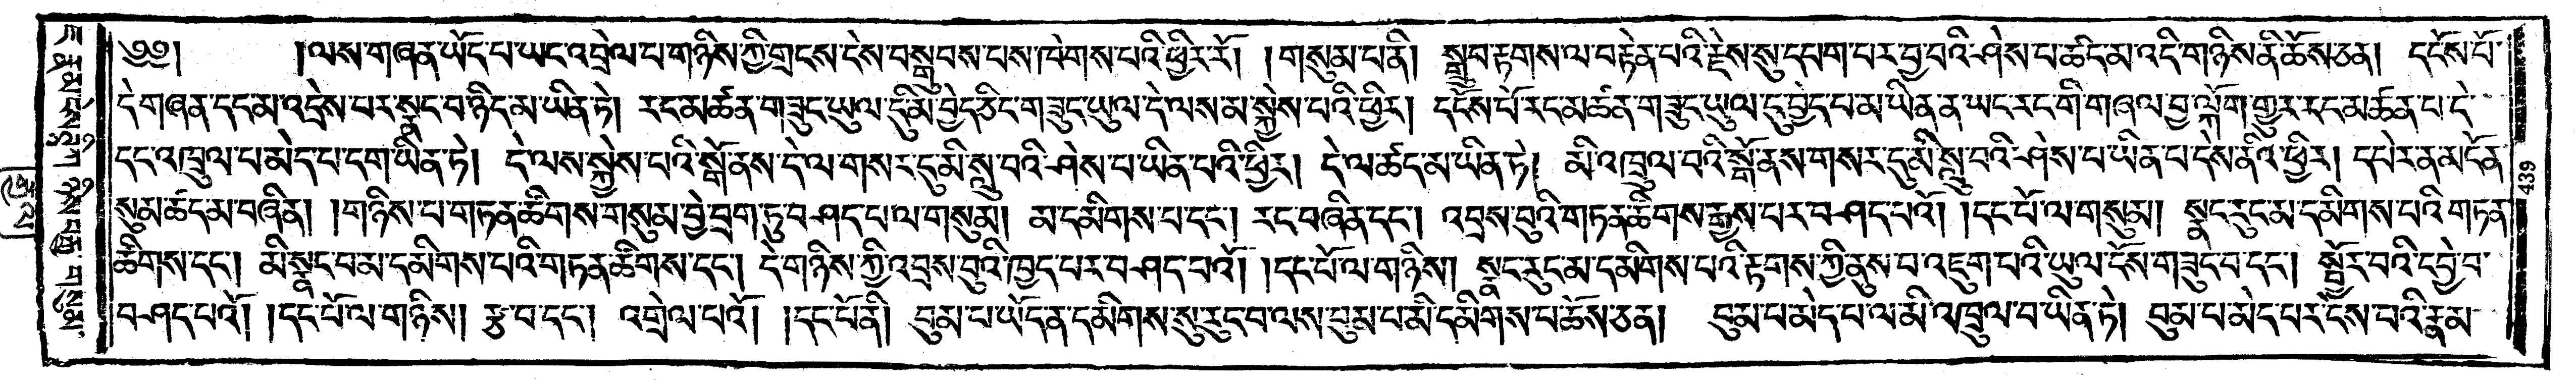༄༅། །ལས་གཞན་ཡོད་པ་ཡང་འབྲེལ་པ་གཉིས་ཀྱི་གྲངས་ངེས་བསྒྲུབས་པས་ཁེགས་པའི་ཕྱིར་རོ། །གསུམ་པ་ནི། སྒྲུབ་རྟགས་ལ་བརྟེན་པའི་རྗེས་སུ་དཔག་པར་བྱ་བའི་ཤེས་པ་ཚད་མ་འདི་གཉིས་ནི་ཆོས་ཅན། དངོས་པོ་
དེ་གཞན་དང་མ་འདྲེས་པར་སྣང་བ་ཉིད་མ་ཡིན་ཏེ། རང་མཚན་གཟུང་ཡུལ་དུ་མི་བྱེད་ཅིང་གཟུང་ཡུལ་དེ་ལས་མ་སྐྱེས་པའི་ཕྱིར། དངོས་པོ་རང་མཚན་གཟུང་ཡུལ་དུ་བྱེད་པ་མ་ཡིན་ན་ཡང་རང་གི་གཞལ་བྱ་ལྐོག་གྱུར་རང་མཚན་པ་དེ་
དང་འཁྲུལ་པ་མེད་པ་དག་ཡིན་ཏེ། དེ་ལས་སྐྱེས་པའི་སྒོ་ནས་དེ་ལ་གསར་དུ་མི་སླུ་བའི་ཤེས་པ་ཡིན་པའི་ཕྱིར། དེ་ལ་ཚད་མ་ཡིན་ཏེ། མི་འཁྲུལ་པའི་སྒོ་ནས་གསར་དུ་མི་སླུ་བའི་ཤེས་པ་ཡིན་པ་དེས་ནའི་ཕྱིར། དཔེར་ན་མངོན་
སུམ་ཚད་མ་བཞིན། །གཉིས་པ་གཏན་ཚིགས་གསུམ་བྱེ་བྲག་ཏུ་བཤད་པ་ལ་གསུམ། མ་དམིགས་པ་དང་། རང་བཞིན་དང་། འབྲས་བུའི་གཏན་ཚིགས་རྒྱས་པར་བཤད་པའོ། །དང་པོ་ལ་གསུམ། སྣང་རུང་མ་དམིགས་པའི་གཏན་
ཚིགས་དང་། མི་སྣང་བ་མ་དམིགས་པའི་གཏན་ཚིགས་དང་། དེ་གཉིས་ཀྱི་འབྲས་བུའི་ཁྱད་པར་བཤད་པའོ། །དང་པོ་ལ་གཉིས། སྣང་རུང་མ་དམིགས་པའི་རྟགས་ཀྱི་ནུས་པ་འཇུག་པའི་ཡུལ་ངོས་གཟུང་བ་དང་། སྦྱོར་བའི་དབྱེ་བ་
བཤད་པའོ། །དང་པོ་ལ་གཉིས། རྩ་བ་དང་། འགྲེལ་པའོ། །དང་པོ་ནི། བུམ་པ་ཡོད་ན་དམིགས་སུ་རུང་བ་ལས་བུམ་པ་མི་དམིགས་པ་ཆོས་ཅན། བུམ་པ་མེད་པ་ལ་མི་འཁྲུལ་བ་ཡིན་ཏེ། བུམ་པ་མེད་པར་ངེས་པའི་རྣམ་